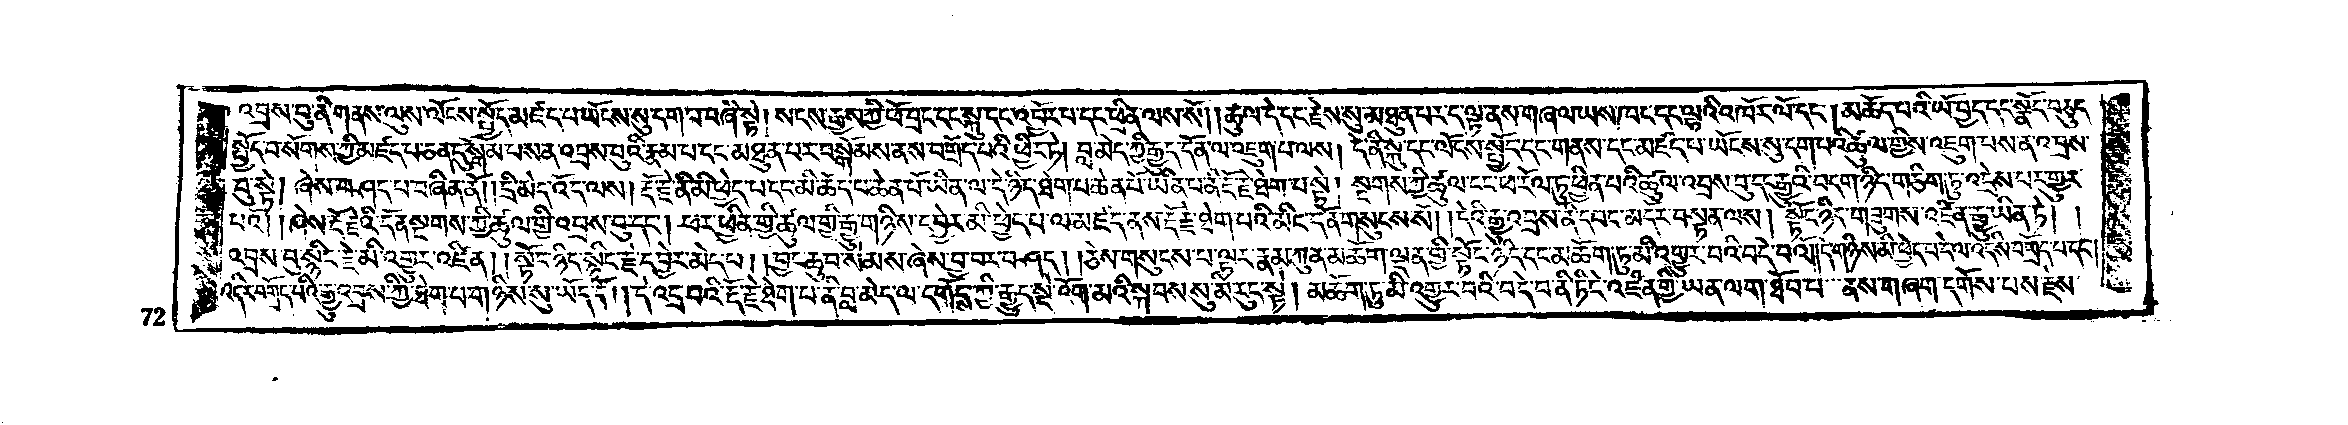འབྲས་བུ་ནི་གནས་ལུས་ལོངས་སྤྱོད་མཛད་པ་ཡོངས་སུ་དག་པ་བཞི་སྟེ། སངས་རྒྱས་ཀྱི་ཕོ་བྲང་དང་སྐུ་དང་འབྱོར་པ་དང་ཕྲིན་ལས་སོ། །ཚུལ་དེ་དང་རྗེས་སུ་མཐུན་པར་ད་ལྟ་ནས་གཞལ་ཡས་ཁང་དང་ལྷའི་འཁོར་ལོ་དང་། མཆོད་པའི་ཡོ་བྱད་དང་སྣོད་བཅུད་
སྦྱོང་བ་སོགས་ཀྱི་མཛད་པ་ཅན་དུ་སྒོམ་པས་ན་འབྲས་བུའི་རྣམ་པ་དང་མཐུན་པར་བསྒོམས་ནས་བགྲོད་པའི་ཕྱིར་ཏེ། བླ་མེད་ཀྱི་རྒྱུད་དོན་ལ་འཇུག་པ་ལས། དེ་ནི་སྐུ་དང་ལོངས་སྤྱོད་དང་གནས་དང་མཛད་པ་ཡོངས་སུ་དག་པའི་ཚུལ་གྱིས་འཇུག་པས་ན་འབྲས་
བུ་སྟེ། ཞེས་བཤད་པ་བཞིན་ནོ། །དྲི་མེད་འོད་ལས། རྡོ་རྗེ་ནི་མི་ཕྱེད་པ་དང་མི་ཆོད་པ་ཆེན་པོ་ཡིན་ལ་དེ་ཉིད་ཐེག་པ་ཆེན་པོ་ཡིན་པ་ནི་རྡོ་རྗེ་ཐེག་པ་སྟེ། སྔགས་ཀྱི་ཚུལ་དང་ཕ་རོལ་ཏུ་ཕྱིན་པའི་ཚུལ་འབྲས་བུ་དང་རྒྱུའི་བདག་ཉིད་གཅིག་ཏུ་འདྲེས་པར་གྱུར་
པའོ། །ཞེས་རྡོ་རྗེའི་དོན་སྔགས་ཀྱི་ཚུལ་གྱི་འབྲས་བུ་དང་། ཕར་ཕྱིན་གྱི་ཚུལ་གྱི་རྒྱུ་གཉིས་དབྱེར་མི་ཕྱེད་པ་ལ་མཛད་ནས་རྡོ་རྗེ་ཐེག་པའི་མིང་དོན་གསུངས་སོ། །དེའི་རྒྱུ་འབྲས་ནི་དབང་མདོར་བསྟན་ལས། སྟོང་ཉིད་གཟུགས་འཛིན་རྒྱུ་ཡིན་ཏེ། །
འབྲས་བུ་སྙིང་རྗེ་མི་འགྱུར་འཛིན། །སྟོང་ཉིད་སྙིང་རྗེ་དབྱེར་མེད་པ། །བྱང་ཆུབ་སེམས་ཞེས་བྱ་བར་བཤད། །ཅེས་གསུངས་པ་ལྟར་རྣམ་ཀུན་མཆོག་ལྡན་གྱི་སྟོང་ཉིད་དང་མཆོག་ཏུ་མི་འགྱུར་བའི་བདེ་བའོ། །དེ་གཉིས་མི་ཕྱེད་པ་དེ་ལ་འདིས་བགྲོད་པ་དང་།
འདིར་བགྲོད་པའི་རྒྱུ་འབྲས་ཀྱི་ཐེག་པ་གཉིས་སུ་ཡོད་དོ། །དེ་འདྲ་བའི་རྡོ་རྗེ་ཐེག་པ་ནི་བླ་མེད་ལ་དགོངས་ཀྱི་རྒྱུད་སྡེ་འོག་མའི་སྐབས་སུ་མི་རུང་སྟེ། མཆོག་ཏུ་མི་འགྱུར་བའི་བདེ་བ་ནི་ཏིང་ངེ་འཛིན་གྱི་ཡན་ལག་ཐོབ་པ་ནས་གཞག་དགོས་པས་རྗེས་